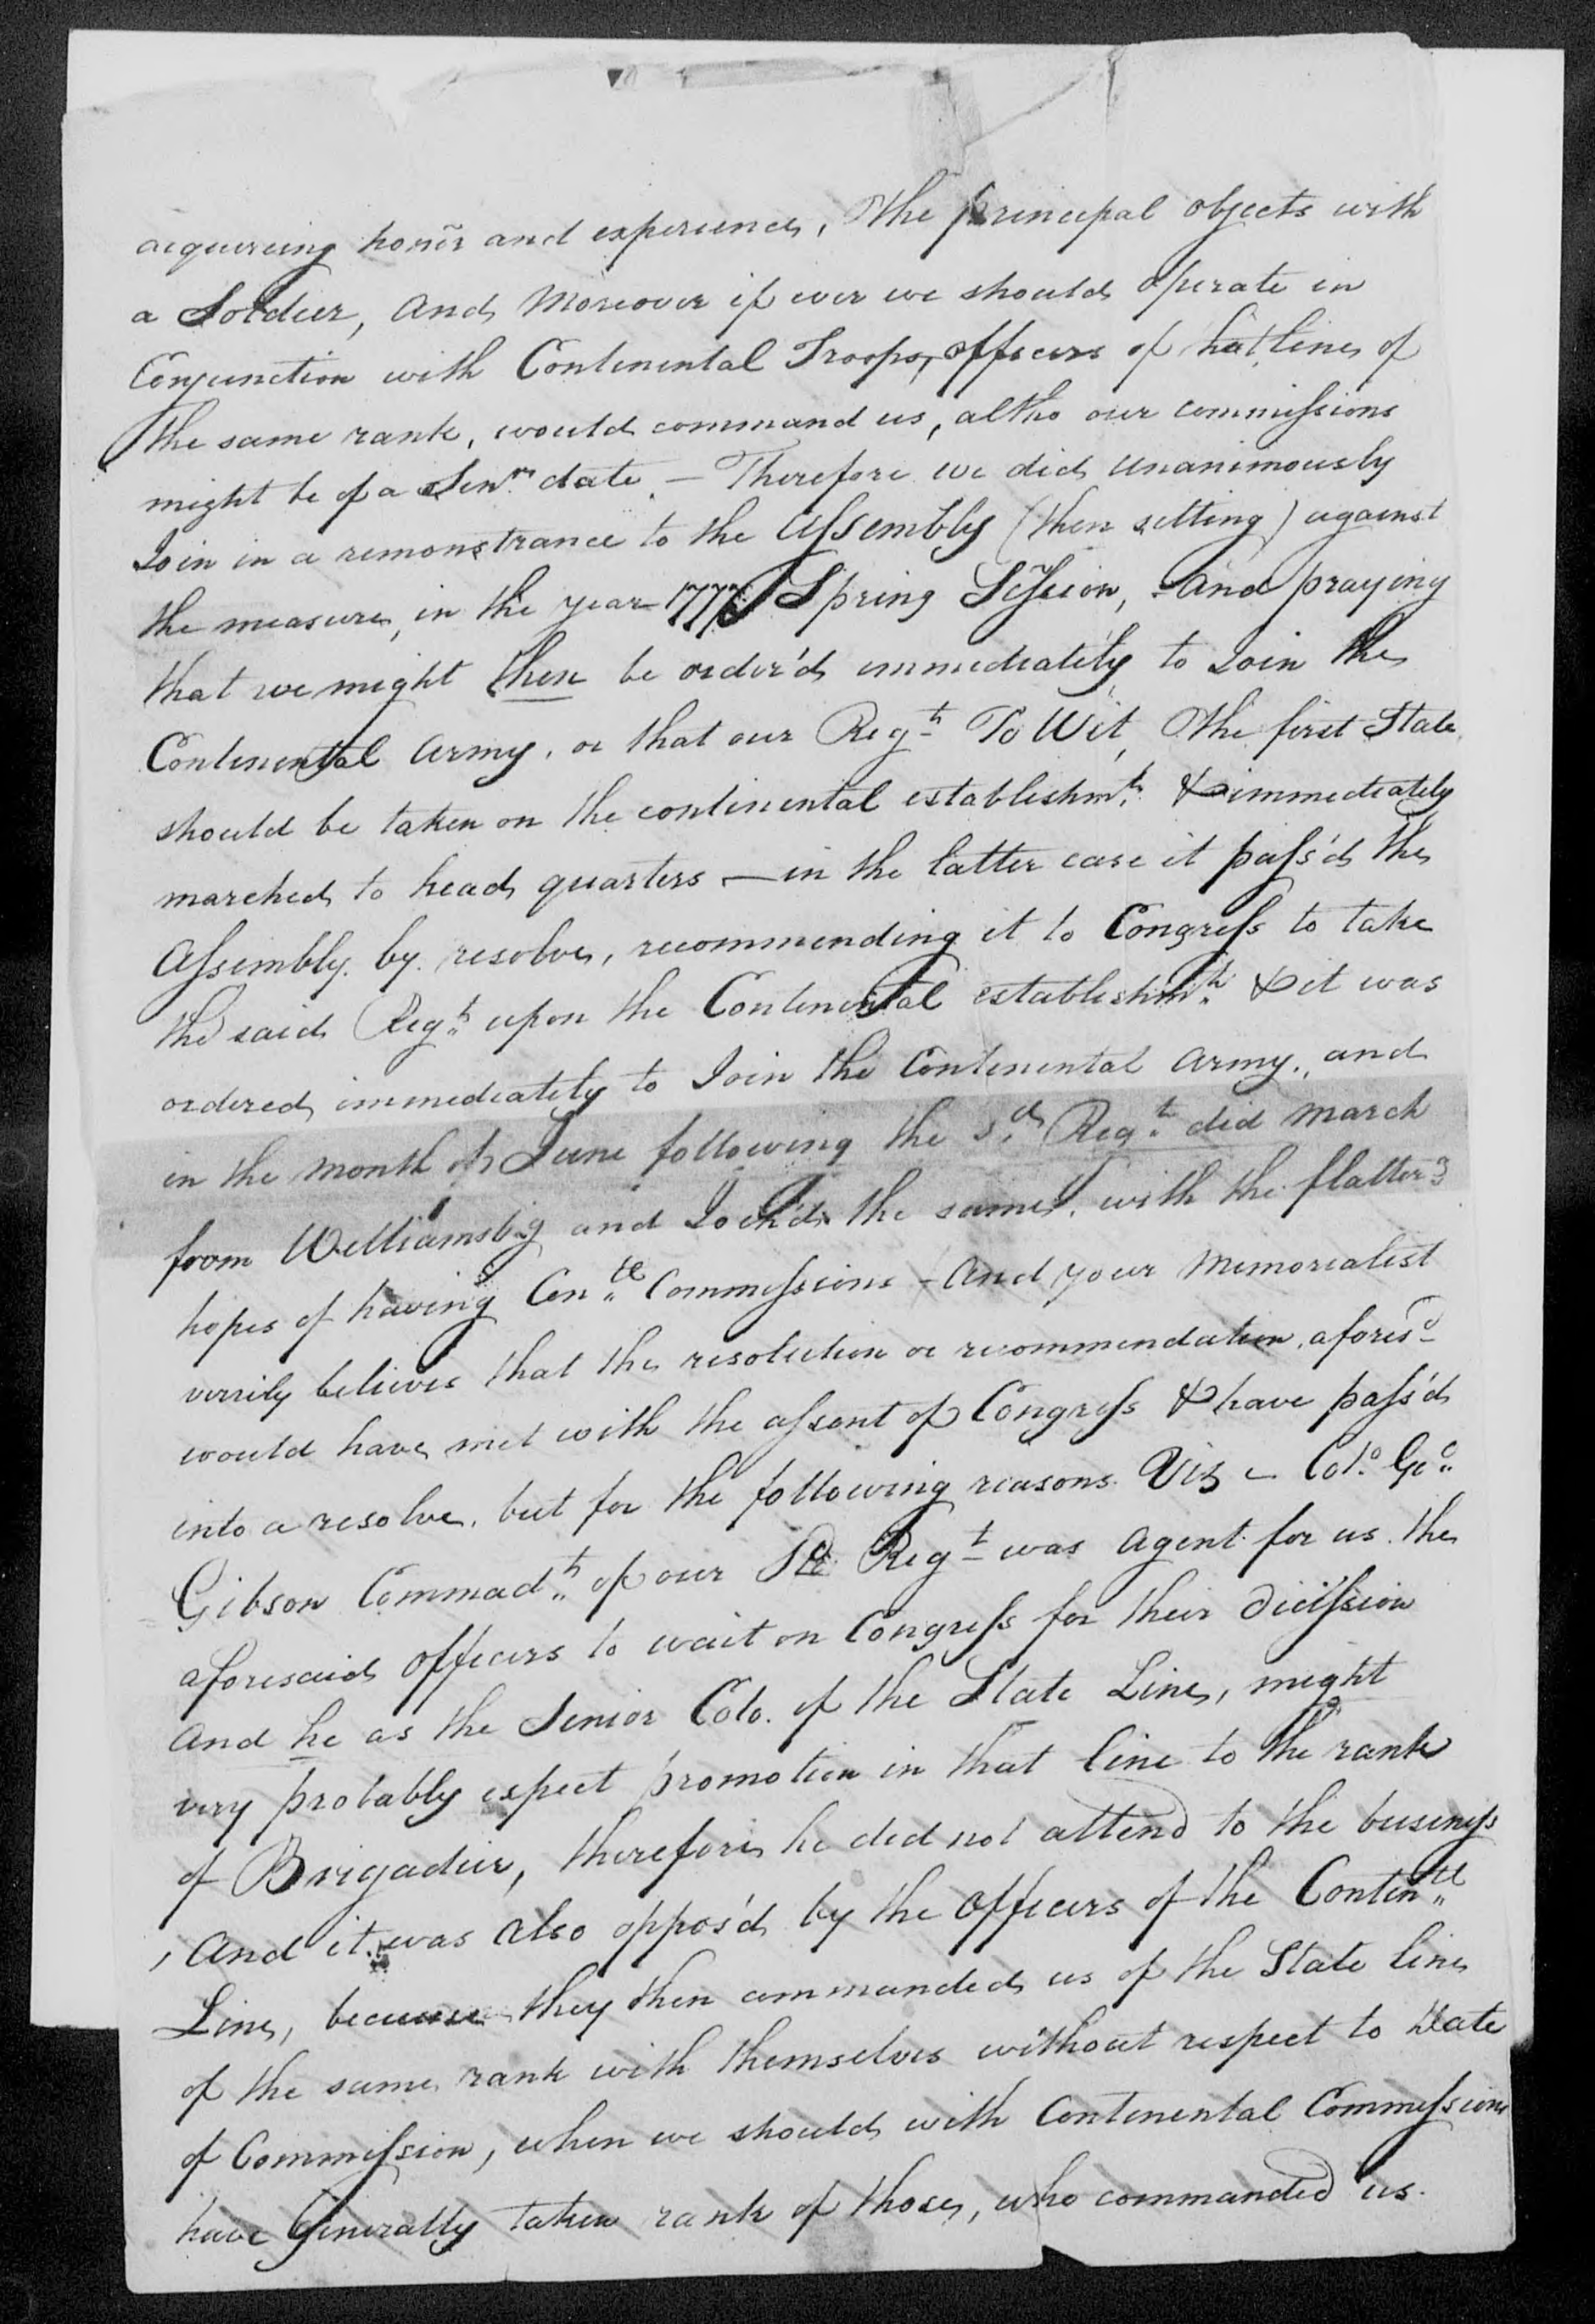acquiring honor and experiences, the principal objects with a Soldier, and, moreover if ever we should operate in Conjunction with Continental Troops, officers of that lines of the same rank, would command us, altho our commissions might be of a Senr. date. --- Therefore we did, unanimously Join in a remonstrance to the Assembly (then sitting) against the measure, in the year 1777 Spring Session, and praying that we might then be order'd immediately to Join the Continental Army, or that our Regt. To Wit O the first State should be taken on the continental establishm't +[and] immediately marched to head quarters --- in the latter case it pass'd the Assembly by resolve, recommending it to Congress to take the said Regt. upon the Continental establishm't +[and] it was ordered immediately to Join the Continental Army, and in the month of June following the sd. Regt. did march from Williamsb'g and Join'd the same with the flatter'g hopes of having Contl. Commissions -- And your Memorialist verily believes that this resolution or recommendation, afores'd would have met with the assent of Congress +[and] have pass'd into a resolve, but for the following reasons.  Viz --- Colo. Geo. Gibson Commadt. of our Sd. Regt was agent for us. the aforesaid officers to wait on Congress for their decision and he as the Senior Colo. of the State Lines, might very probably expect promotion in that line to the rank of Brigadier, therefore he did not attend to the business, And it was also oppos'd by the officers of the Contintl. Line, because they then commanded us of the State lines of the same rank with themselves without respect to Date of Commission, when we should with Continental Commissions have generally taken rank of those, who commanded us.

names: Gibson, Wit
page: 102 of 267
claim: widow's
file: W. 4,149, William Campbell, Va.